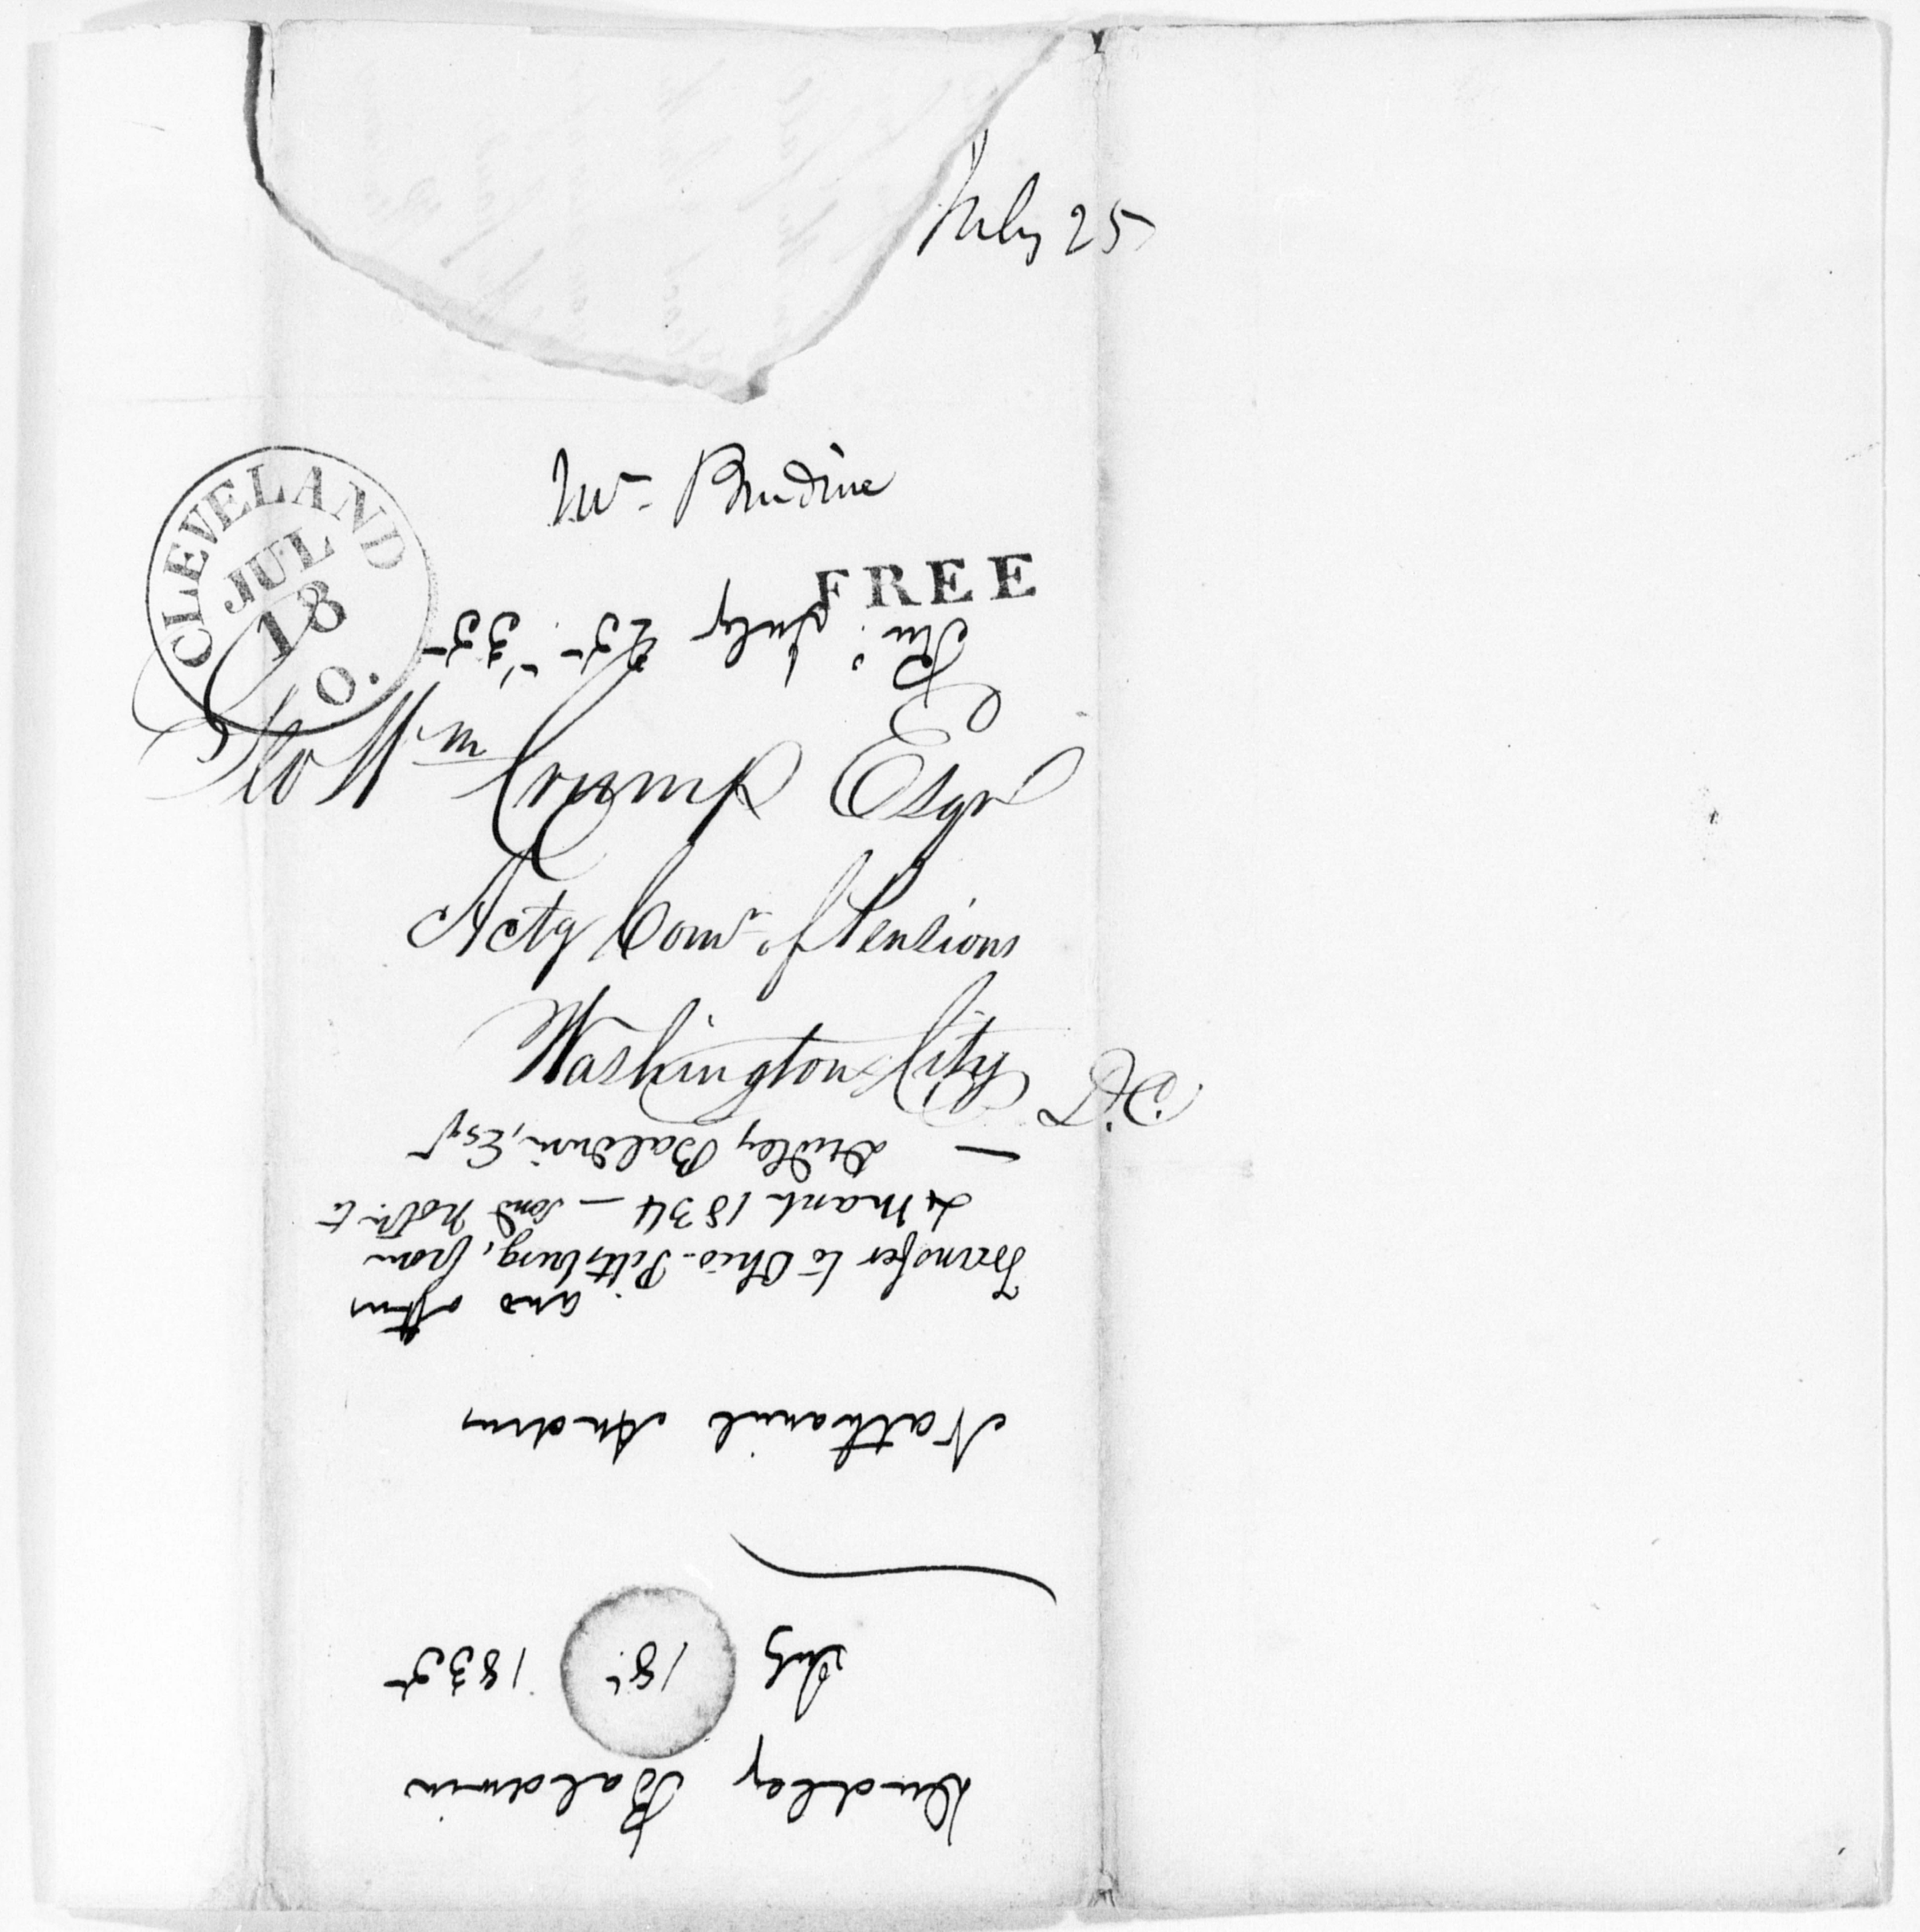July 25
L. W. Burdine
FREE
M Crump Esqr
Actg Coms of Pensions
Wahington City D. C.
Recd July 23, 35
Nathanial Andrews
and [illegible]
Transfer to Ohio Pittsburg, Penn
& Mail 1834 [illegible]
Dudley Baldwin Esq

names: Dudley Baldwin, Geo Wm Crump, Dudley Baldwin, Nathaniel Andrus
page: 46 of 78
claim: widow's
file: W. 4117, Nathaniel Bradley, Conn.